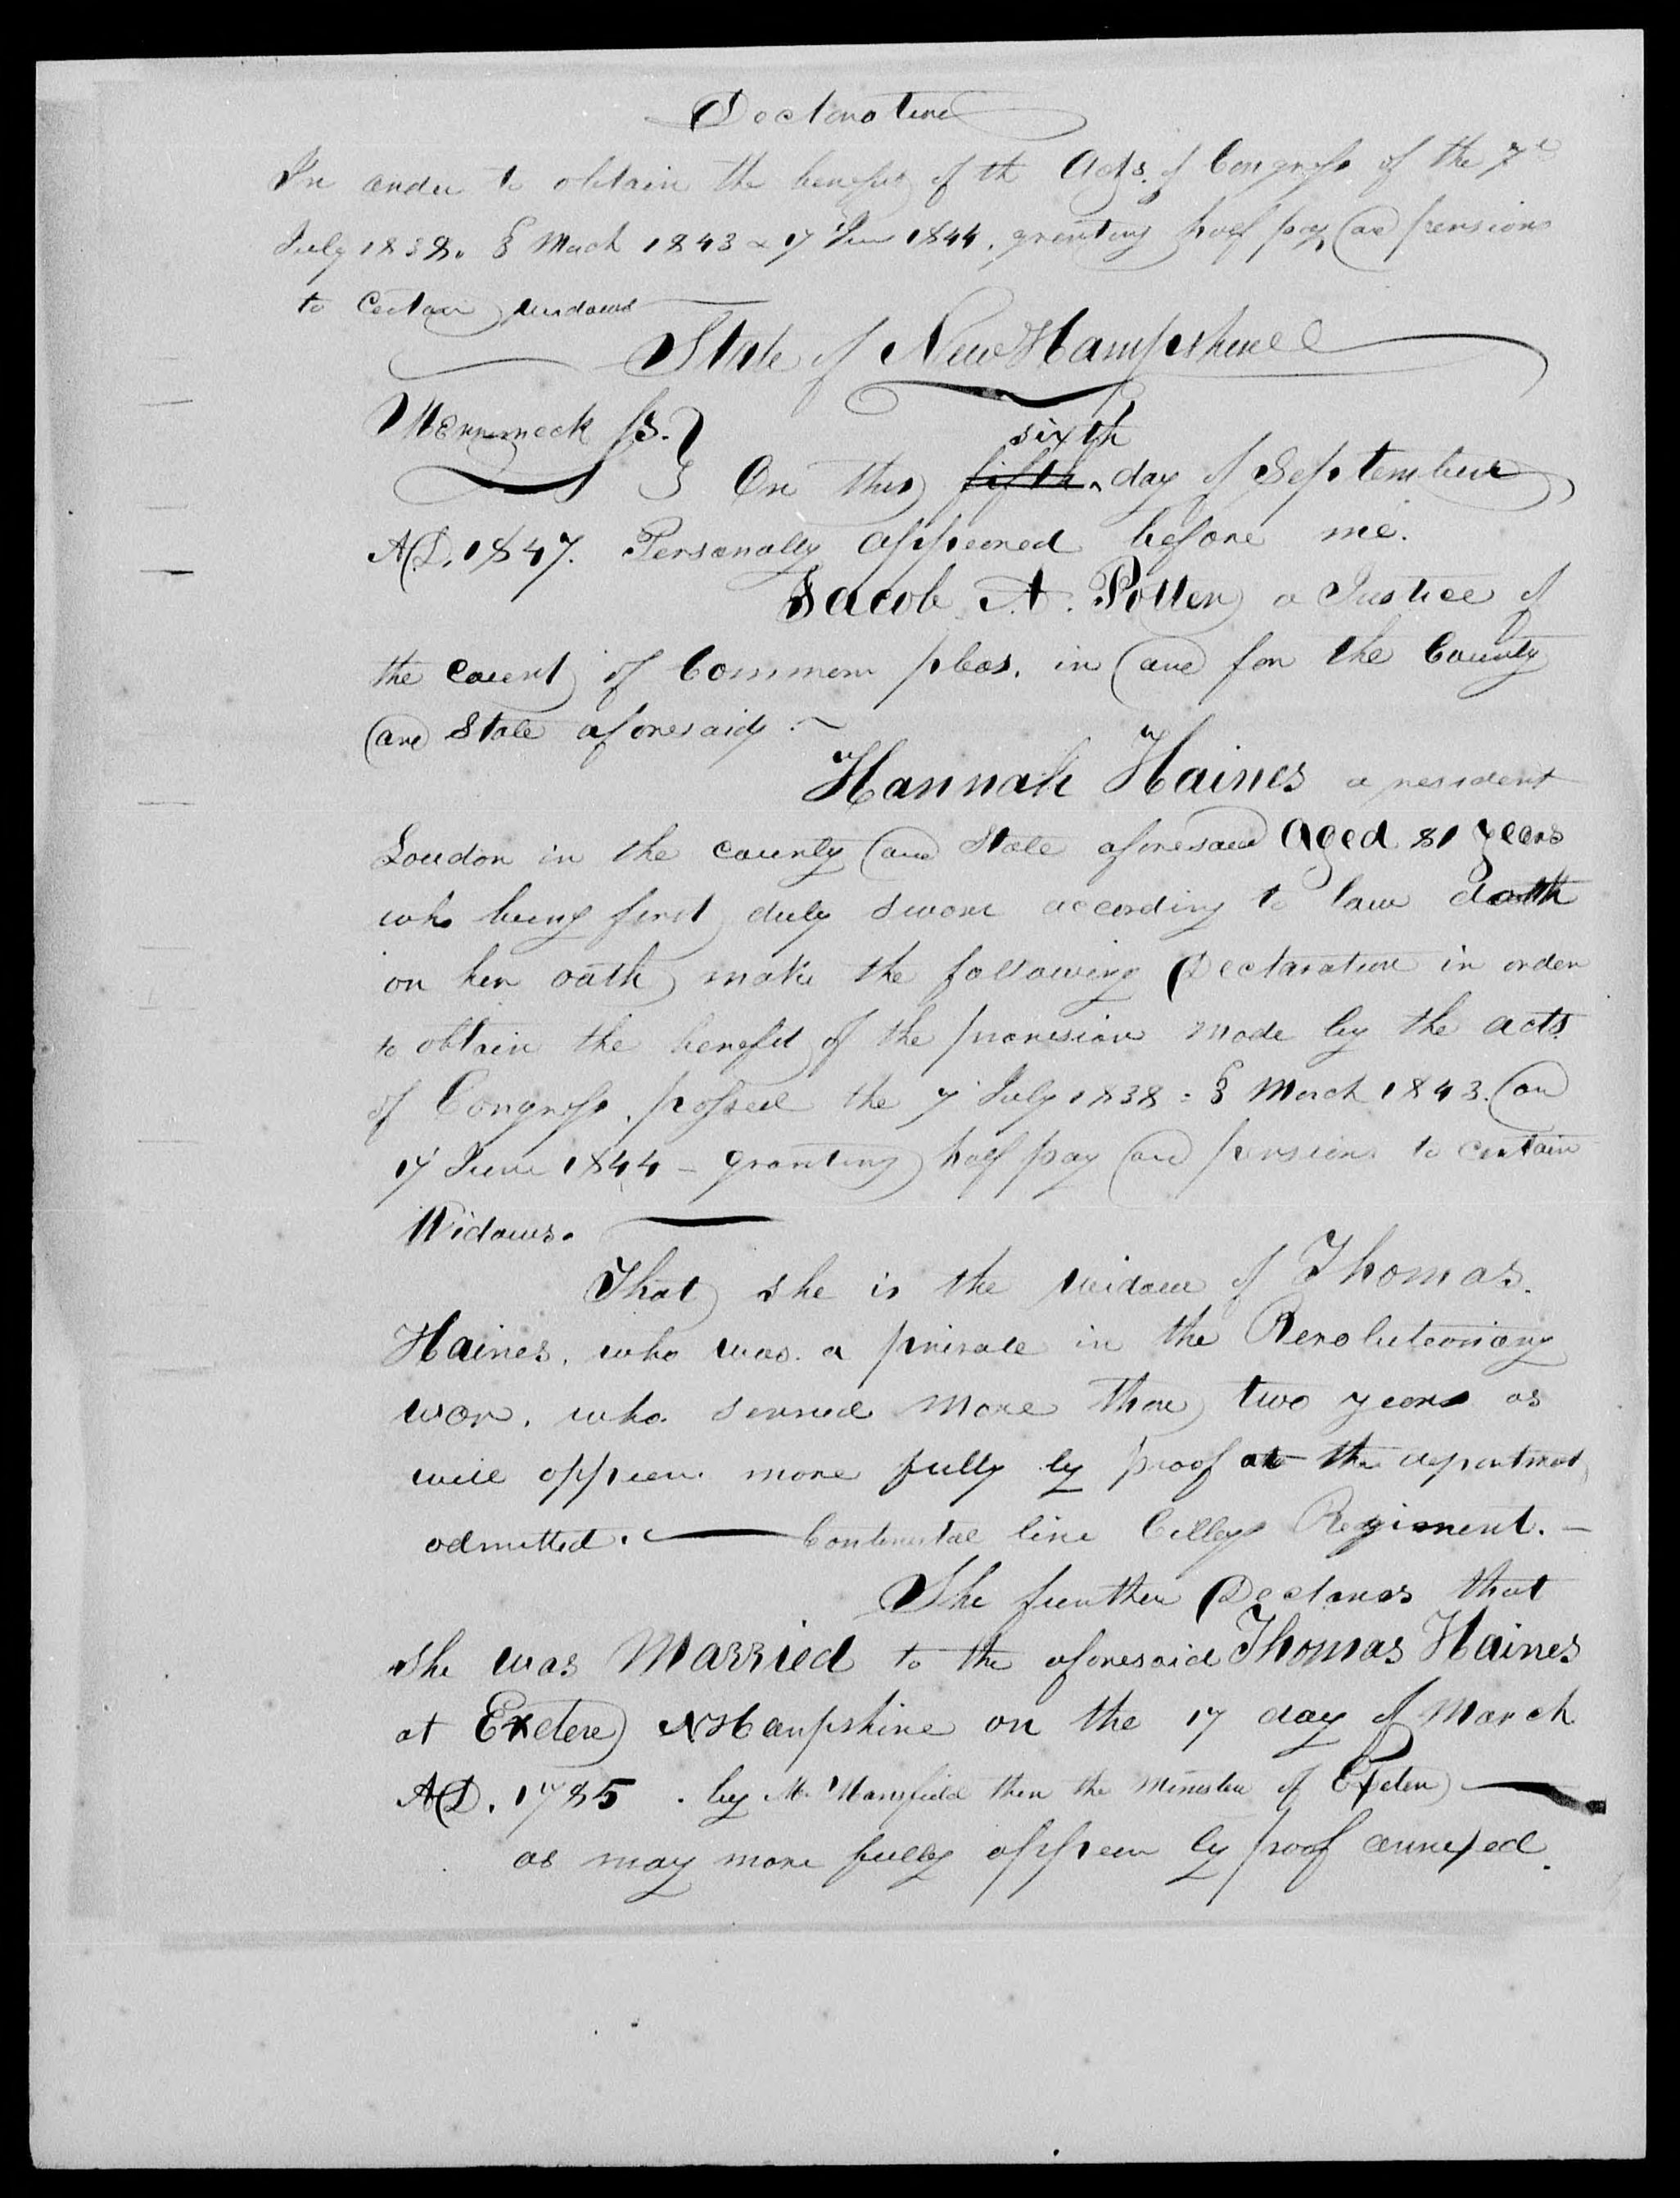Declaration In order to obtain the benefit of the Act of Congress of the 7th of July 1838. 3 March 1843 & March 1843 & of June 1844, granting half pay as pensions to certain widows
 State of New Hampshire --- Merrimack --- On this sixth [crossed out:  fifth] day of September A.D. 1847. Personally appeared before me Jacob A. Potter a Justice of the Court of Common pleas in and for the County and State aforesaid 
Hannah Haines a resident London in the County and State aforesaid aged 81 years who being first duly sworn according to law doth on her oath make the following Declaration in order to obtain the benefit of the provision made by the acts of Congress passed the 7 July 1838 & March 1843 and of June 1844 - granting half pay and pensions to certain Widows. 
That she is the widow of Thomas Haines who was a private in the Revolutionary war, who served more than two years as will appear more fully by proof at the department admitted. 
Continental line Cilleys Regiment. She further declares that she was married to the aforesaid Thomas Haines at Exeter N Hampshire on the 17 day of March AD. 1785 by H. Mansfield then the minister of Exeter as may more fully appear by proof annexed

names: Thomas Haines, Hannah Haines, Cilley, Jacob A Potter, Thomas Haines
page: 56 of 57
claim: widow's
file: W. 23217, Thomas Haines, N H